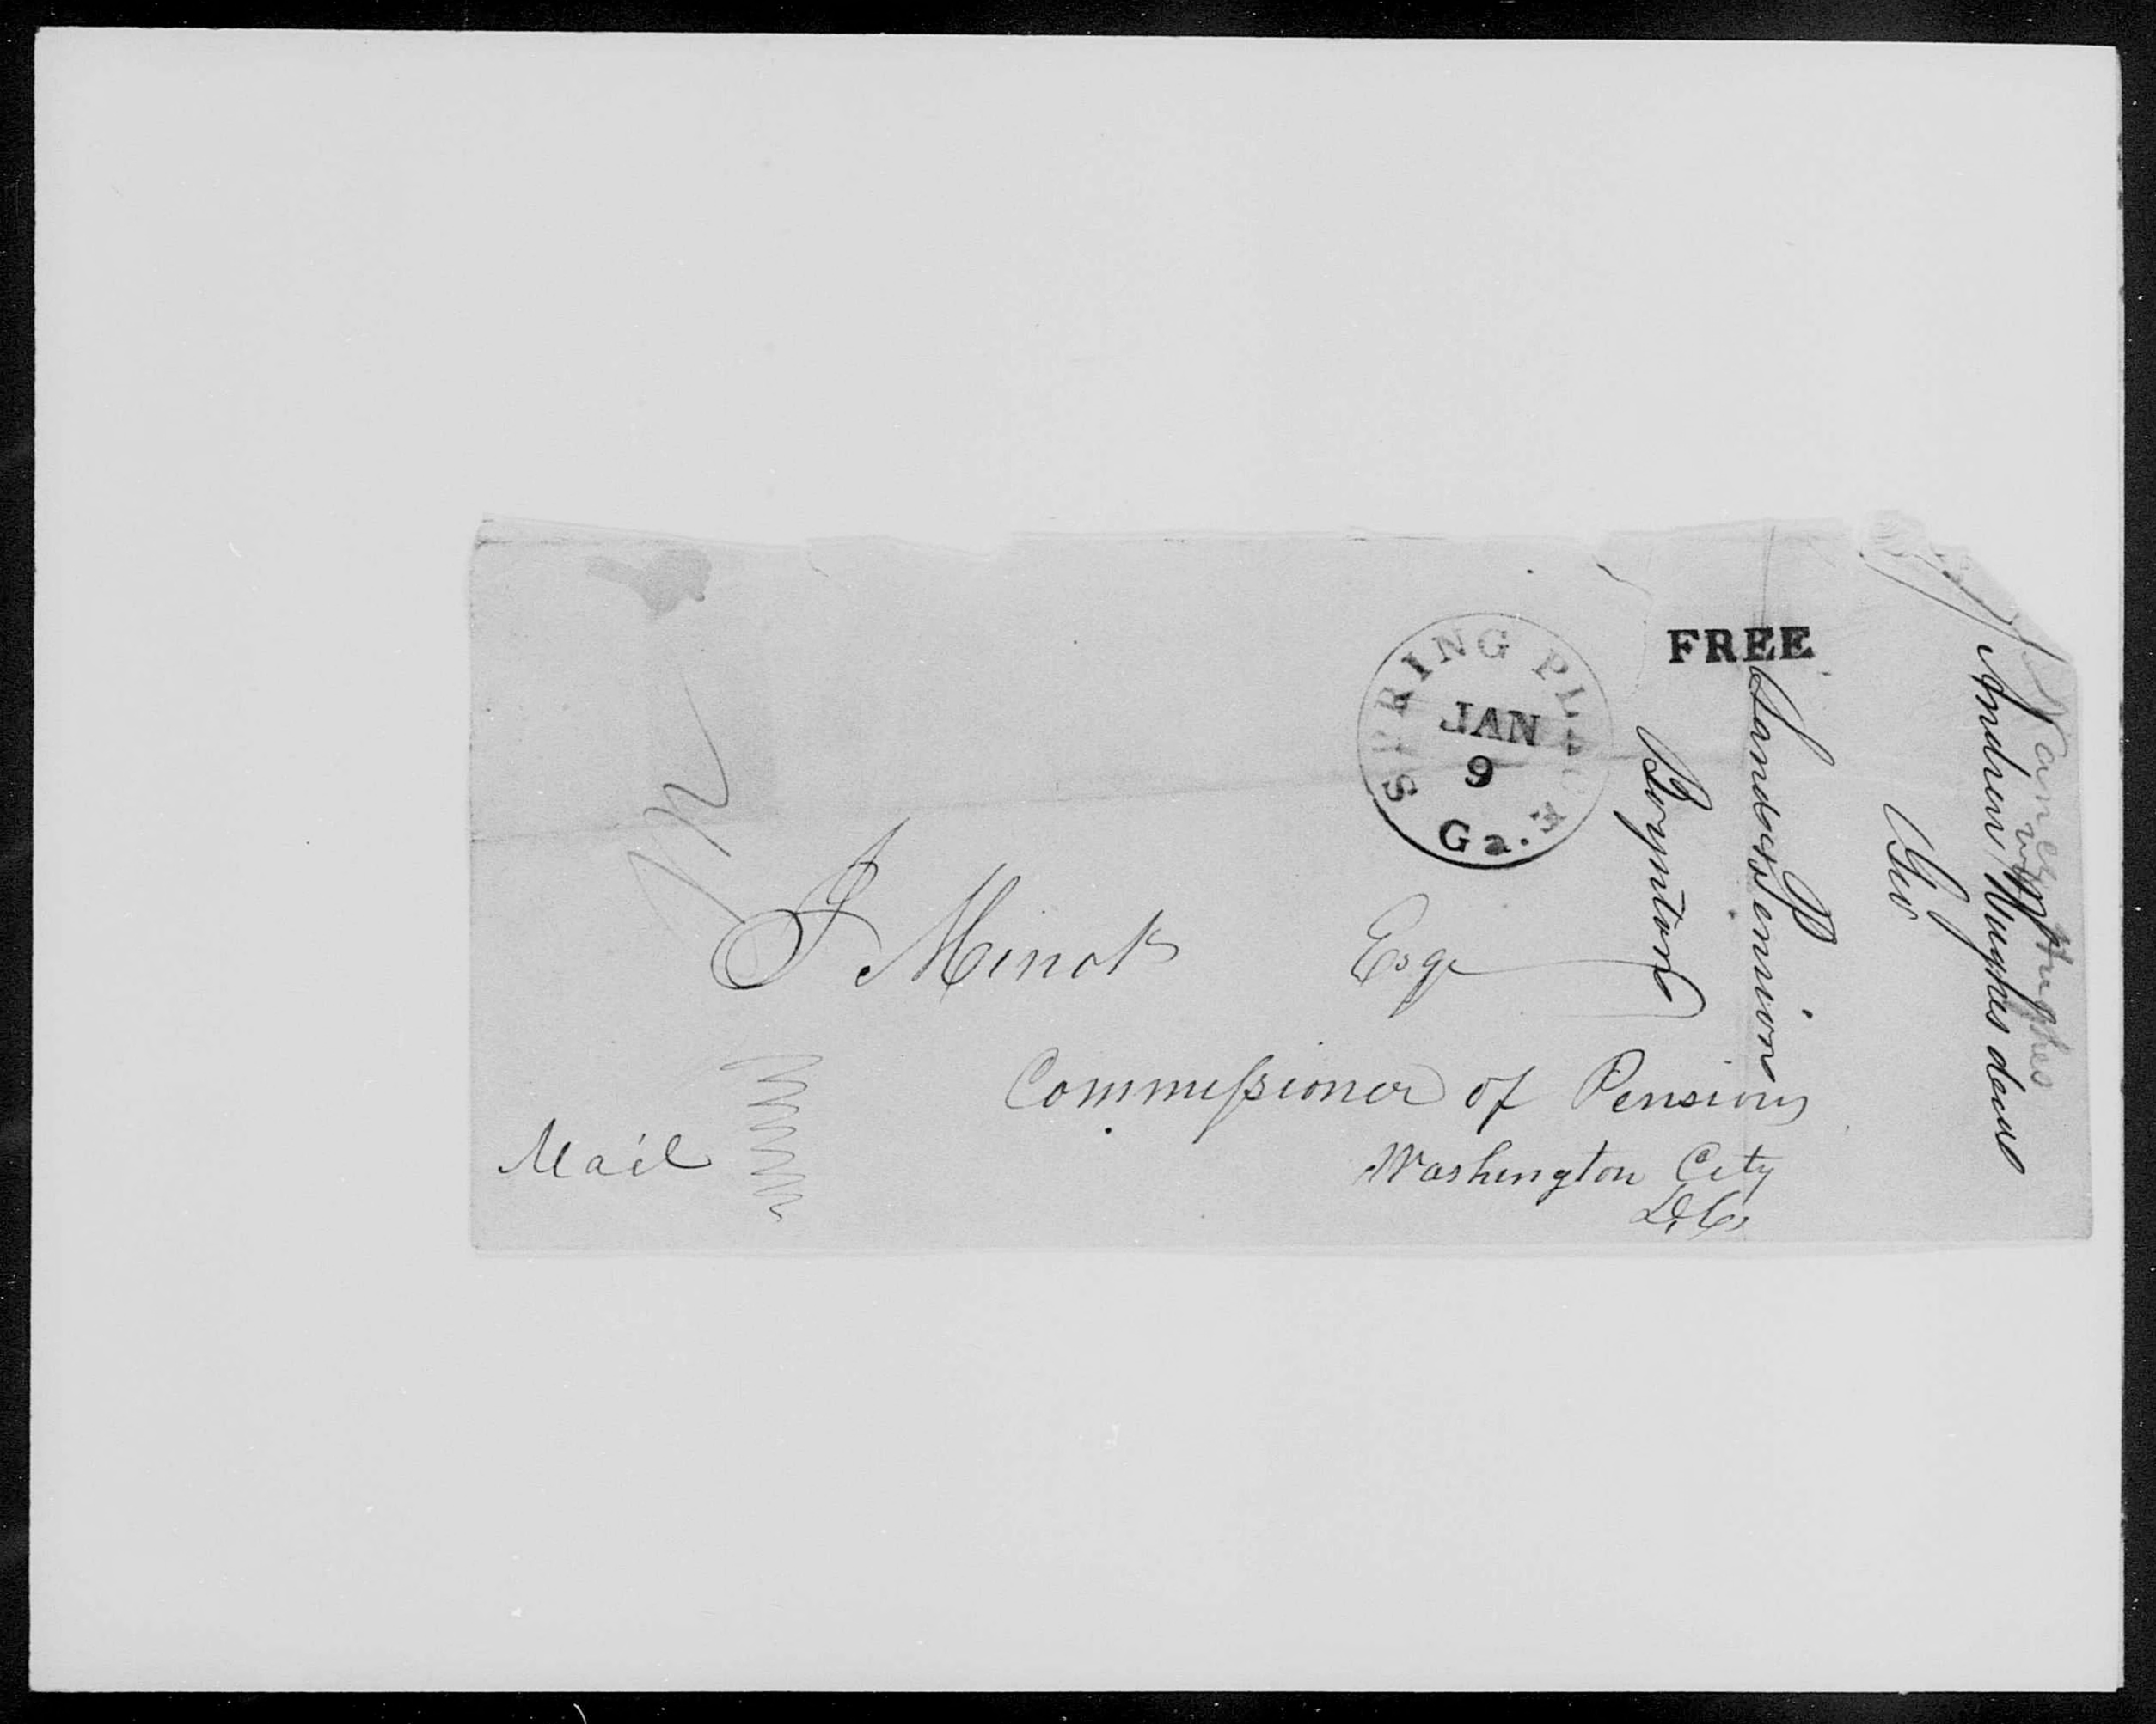[stamped] 
SPRING PLACE Ga. 
JAN  9 
FREE

J Minot Esqr
Commissioner of Pensions
Washington City D.C. 
Mail 
Andrew Hughes dec'd Ga
Sundry Pension Boynton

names: Andrew Hughes, Nancy Hughes, Boynton, J Minot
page: 28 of 75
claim: widow's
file: W. 25805, Andrew Hughes, N.C.